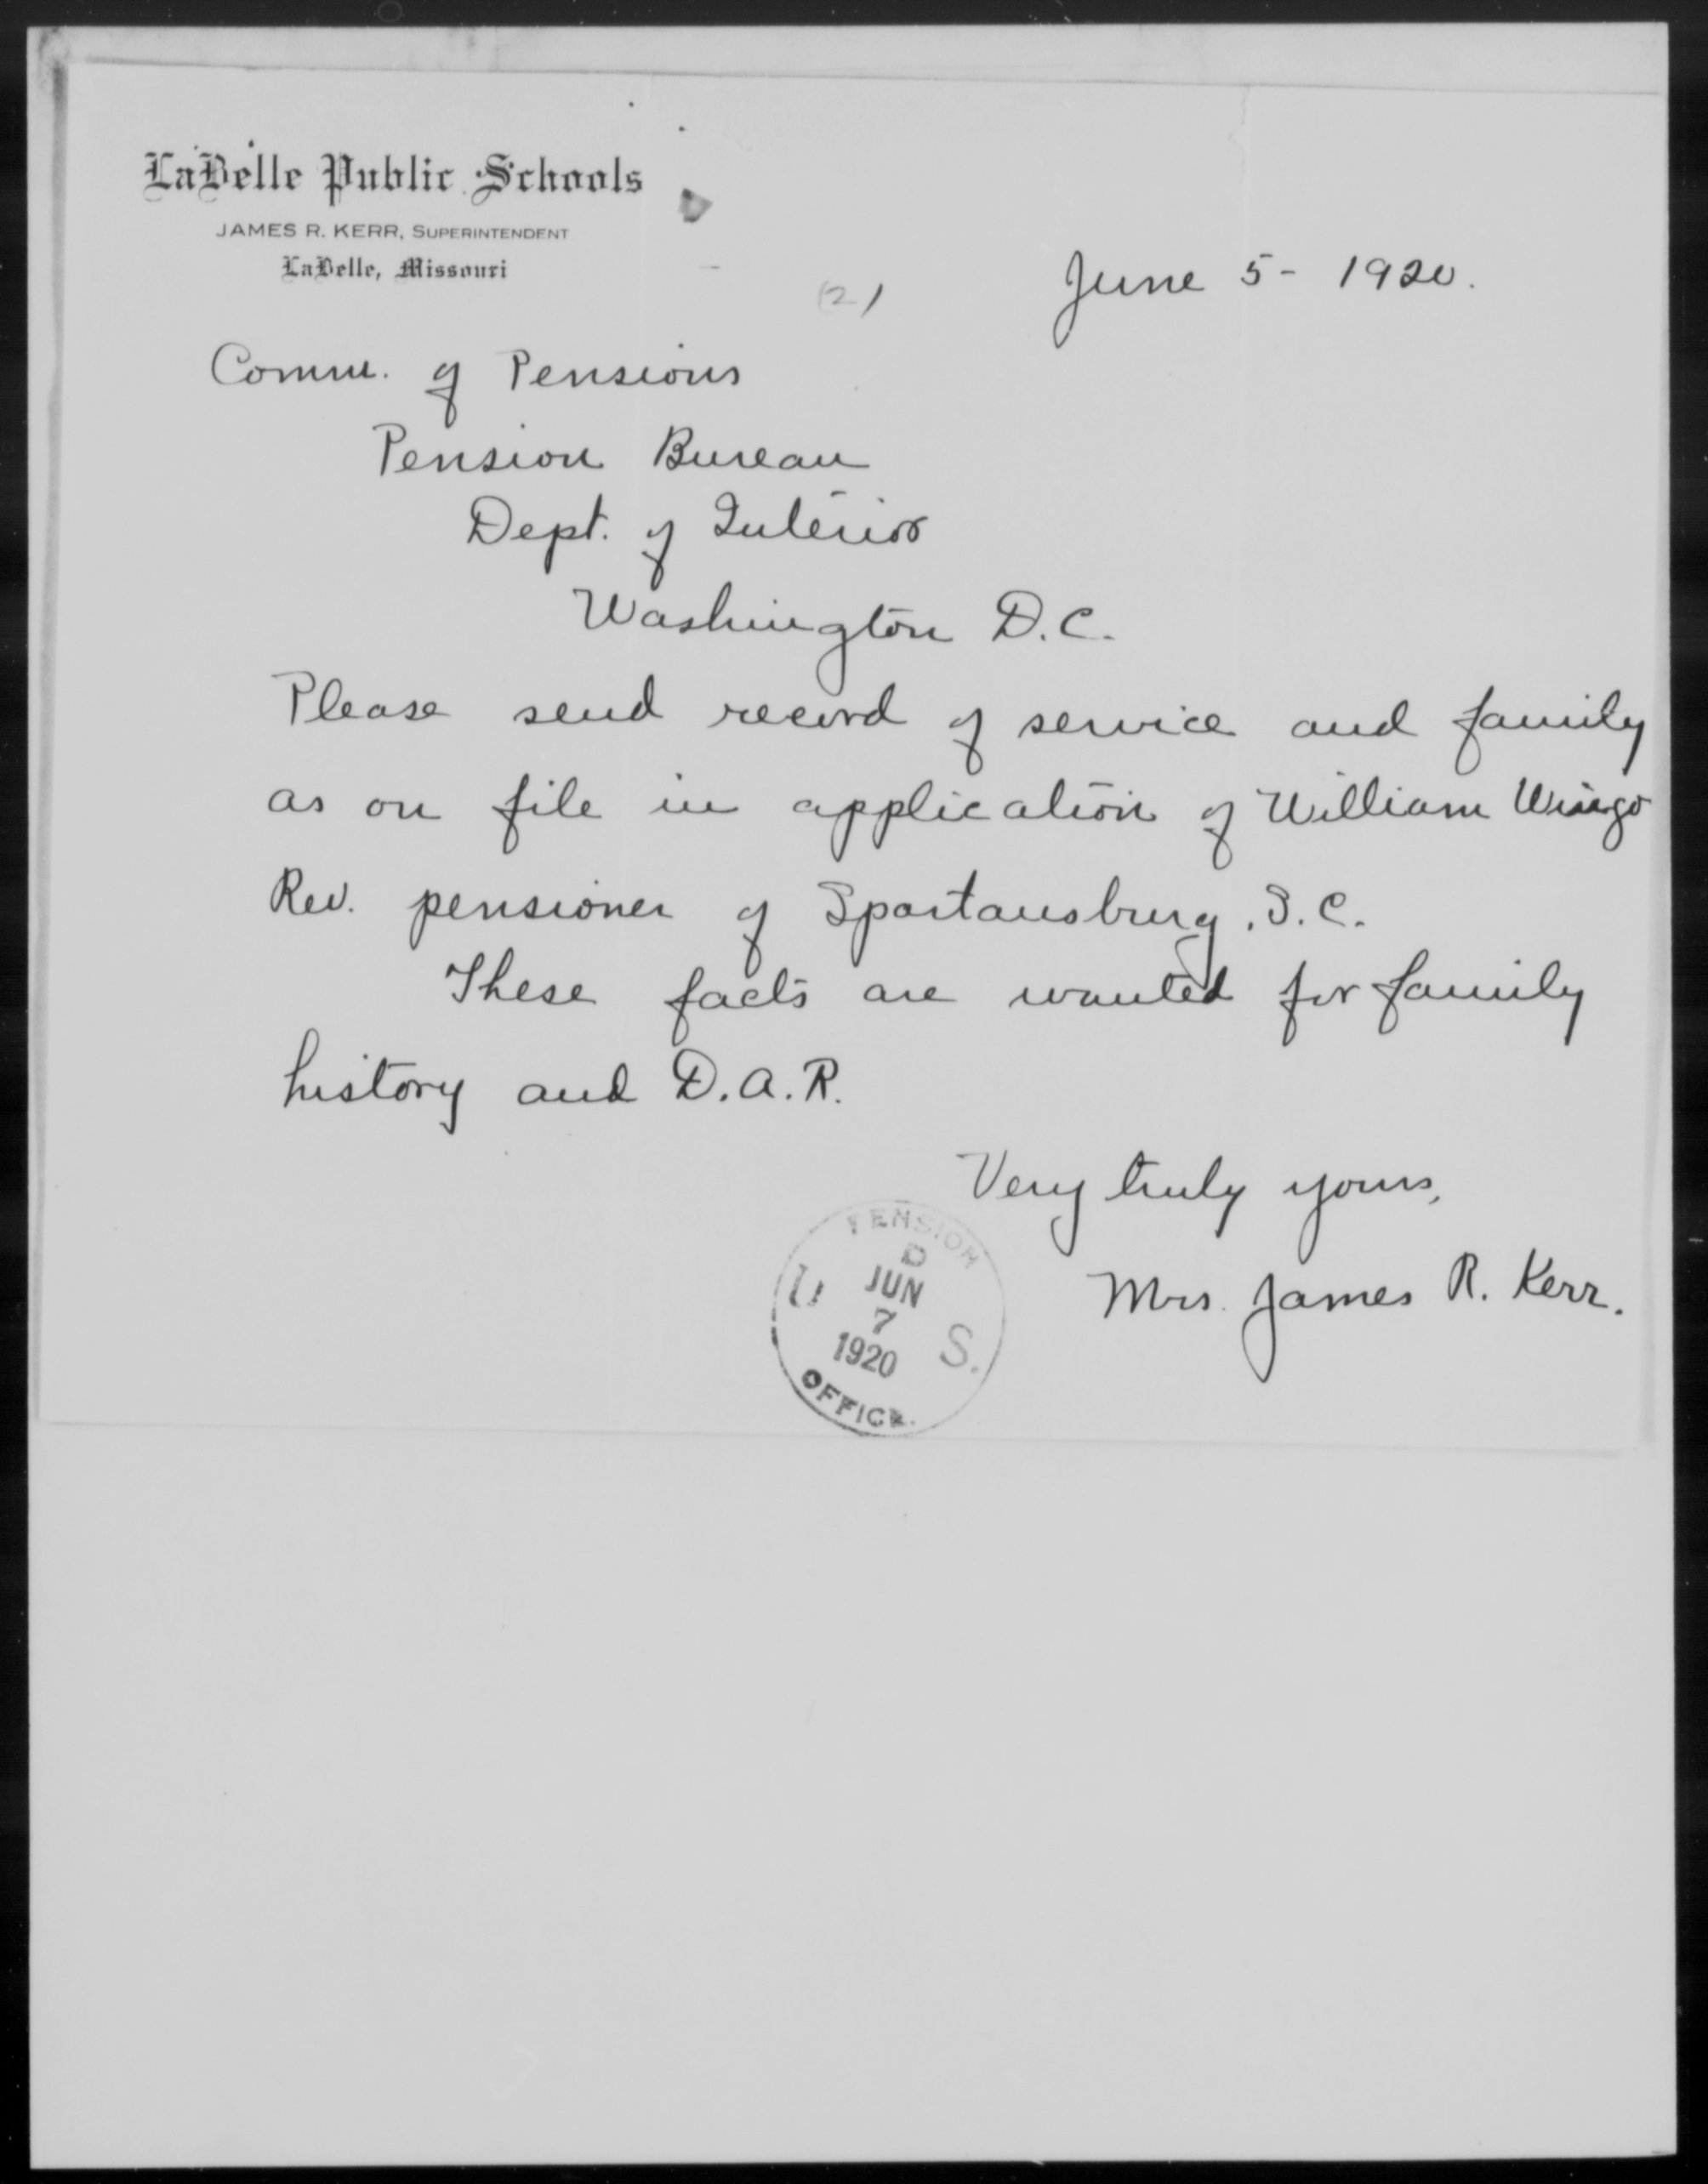LaBelle Public Schools JAMES R. KERR, SUPERINTENDENT LaBelle, Missouri
(2) June 5-1920
Comm of Pensions Pension Bureau Dept. of Interior Washington D.C.
Please send record of service and family as on file in application of William Wingo Rev. pensioner of Spartansburg, S.C. 
These facts are wanted for family history and D.A.R
Very truly yours Mrs. James R. Kerr.
U.S. PENSION OFFICE D JUN 7 1920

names: James R Kerr, William Wingo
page: 19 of 19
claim: survivor's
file: S. 7,896, William Wingo, Va.